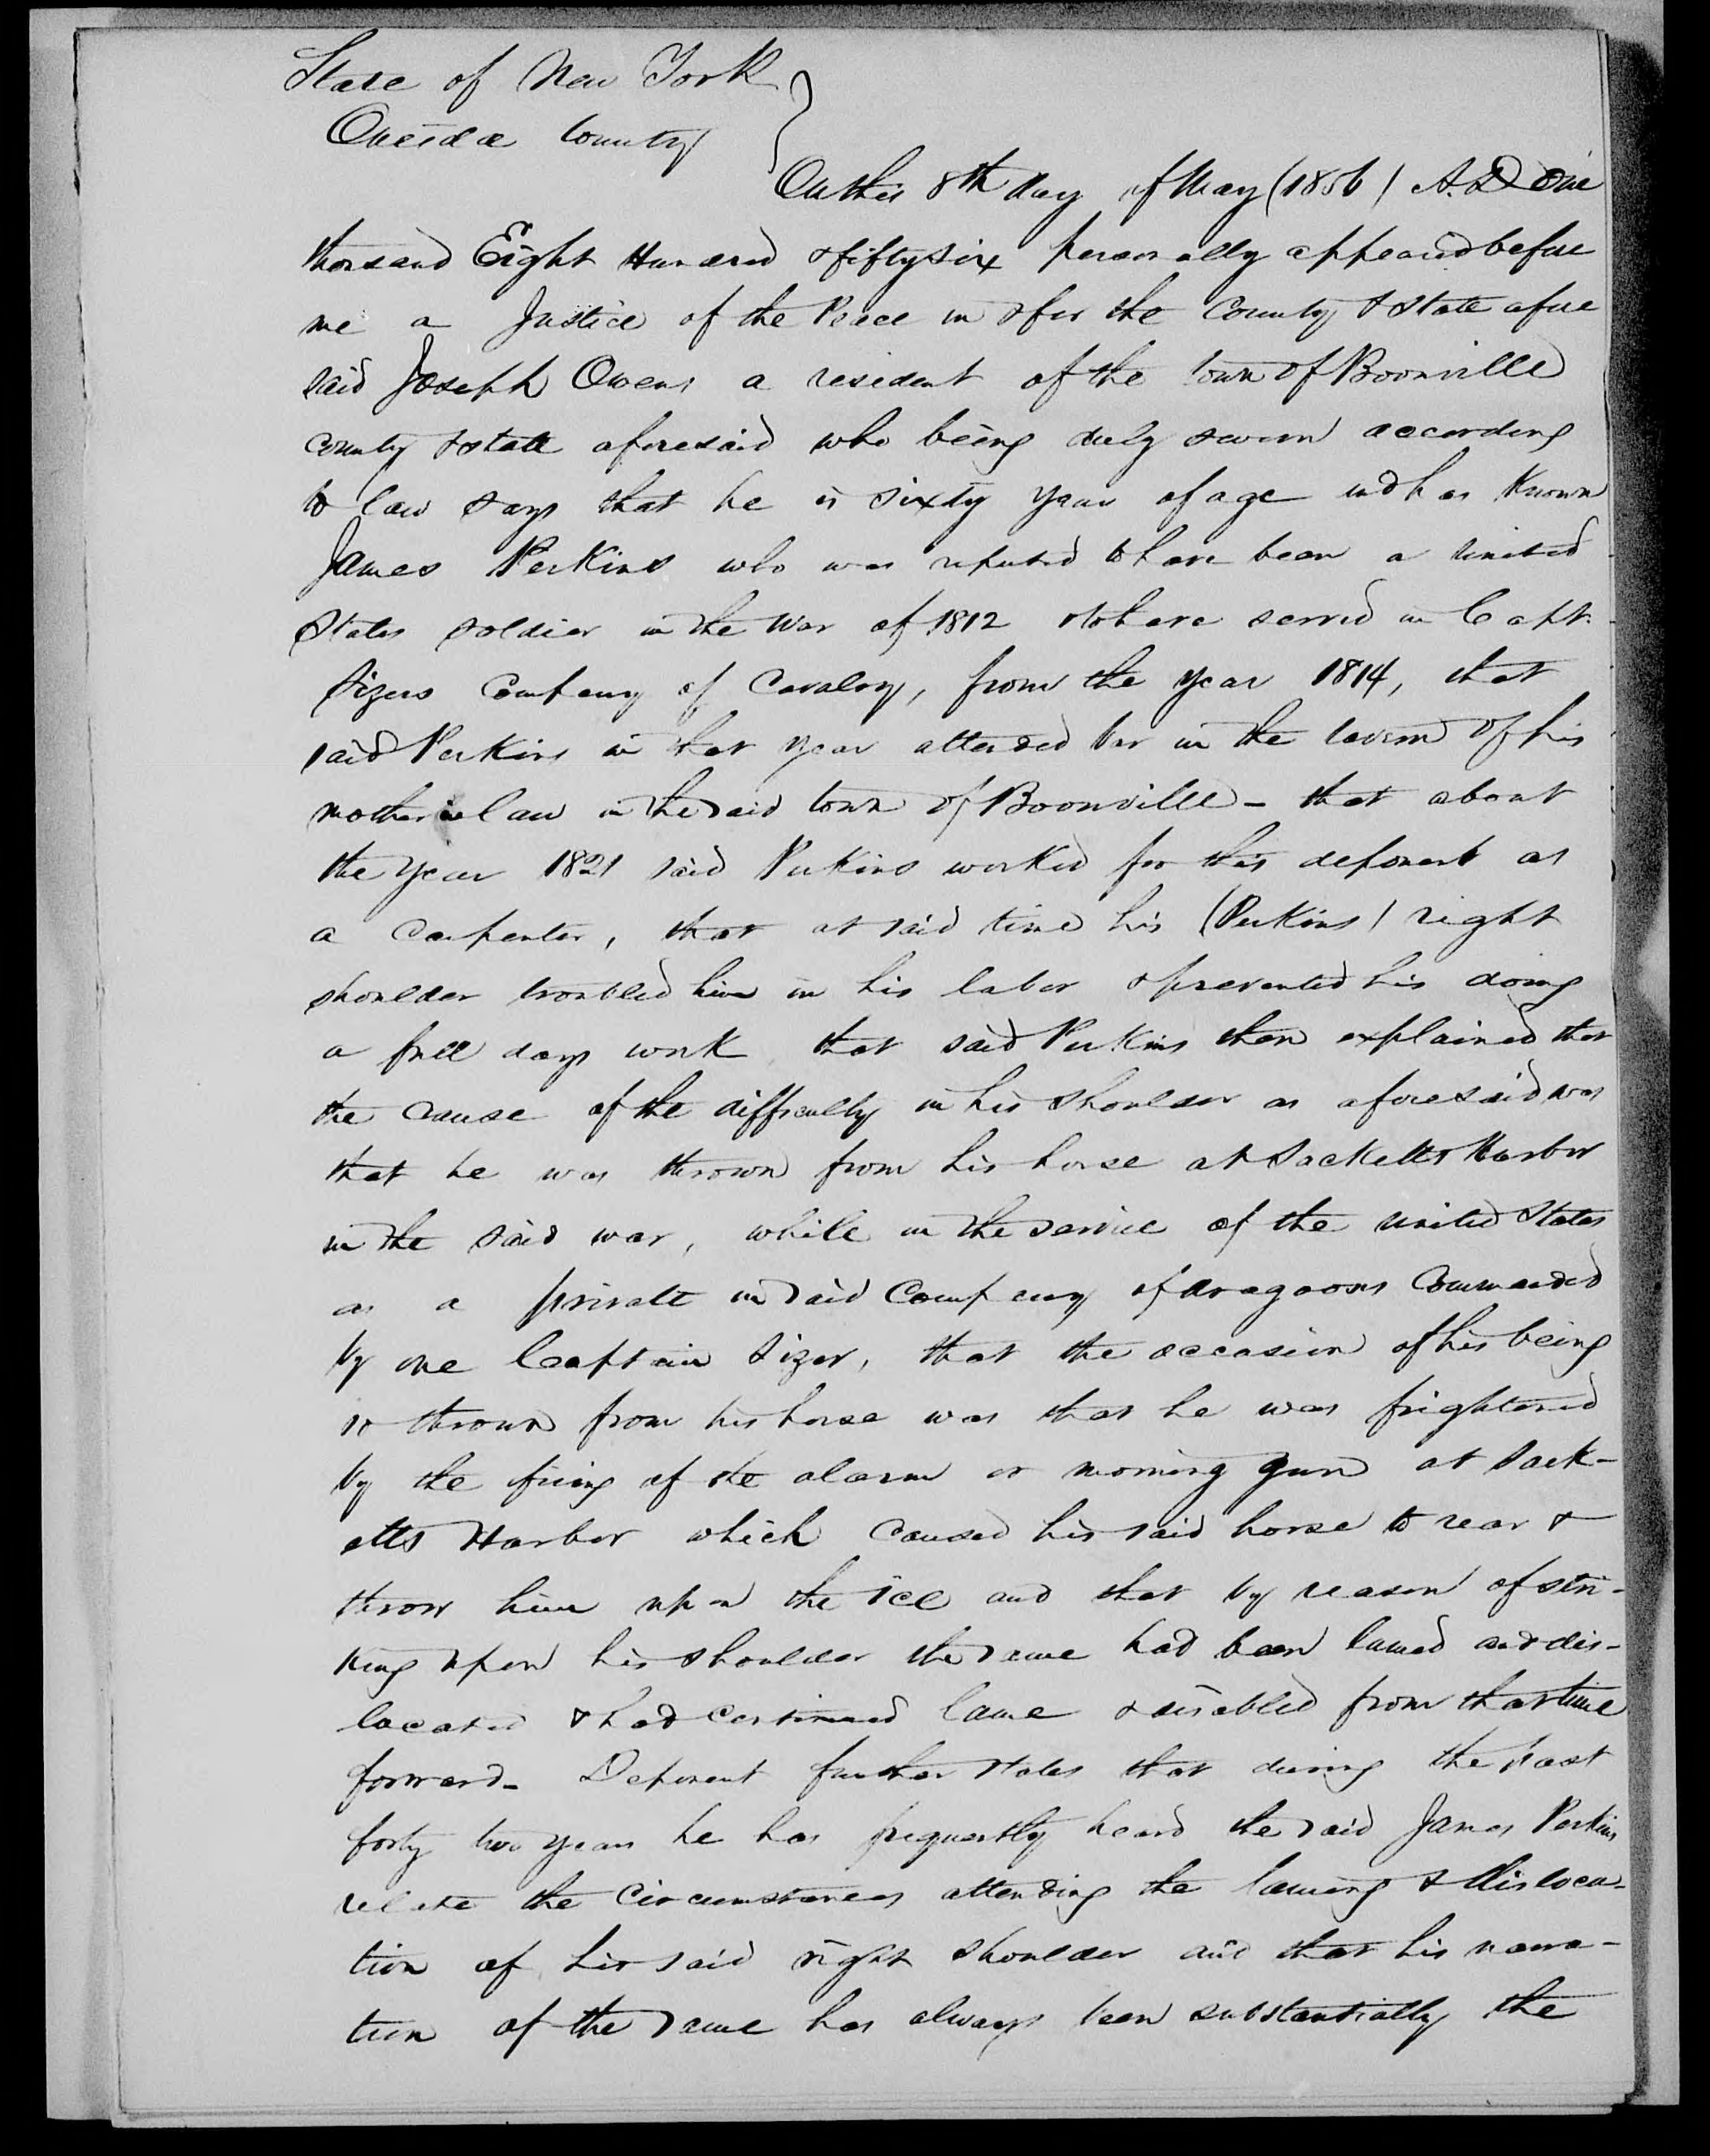State of New York 
Oneida County } On this 8th day of May (1856) A.D One thousand Eight Hundred & fifty six personally appeared before me a Justice of the Peace in & for the County & State aforesaid Joseph Owens a resident of the town of Boonville County & state aforesaid who being duly sworn according to law says that he is sixty years of age and has known James Perkins who was reputed to have been a United States Soldier in the War of 1812 & to have served in Capt. Sizers Company of Cavalry, from the year 1814, that said Perkins in that year attended bar in the tavern of his mother in law in the said town of Boonville - that about the year 1821 said Perkins worked for this deponent as a Carpenter, that at said time his (Perkins) right shoulder troubled him in his labor & prevented his doing a full days work that said Perkins then explained that the cause of the difficulty in his shoulder as aforesaid was that he was thrown from his horse at Sacketts Harbor in the said war, while in the service of the United States as a private in said Company of Dragoons Commanded by one Captain Sizer, that the occasion of his being so thrown from his horse was that he was frightened by the firing of the alarm or morning gun at Sacketts Harbor which caused his said horse to rear & throw him upon the ice and that by reason of striking upon his shoulder the same had been lamed and dislocated & had continued lame & disabled from that time forward. Deponent further states that during the past forty two years he has frequently heard the said James Perkins relate the circumstances attending the laming & dislocation of his said right shoulder and that his narration of the same has always been substantially the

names: James Perkins; [BLANK] Sizer; Joseph Owens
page: 11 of 44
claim: rejected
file: R. 17,033, for Joseph Perkins, New York